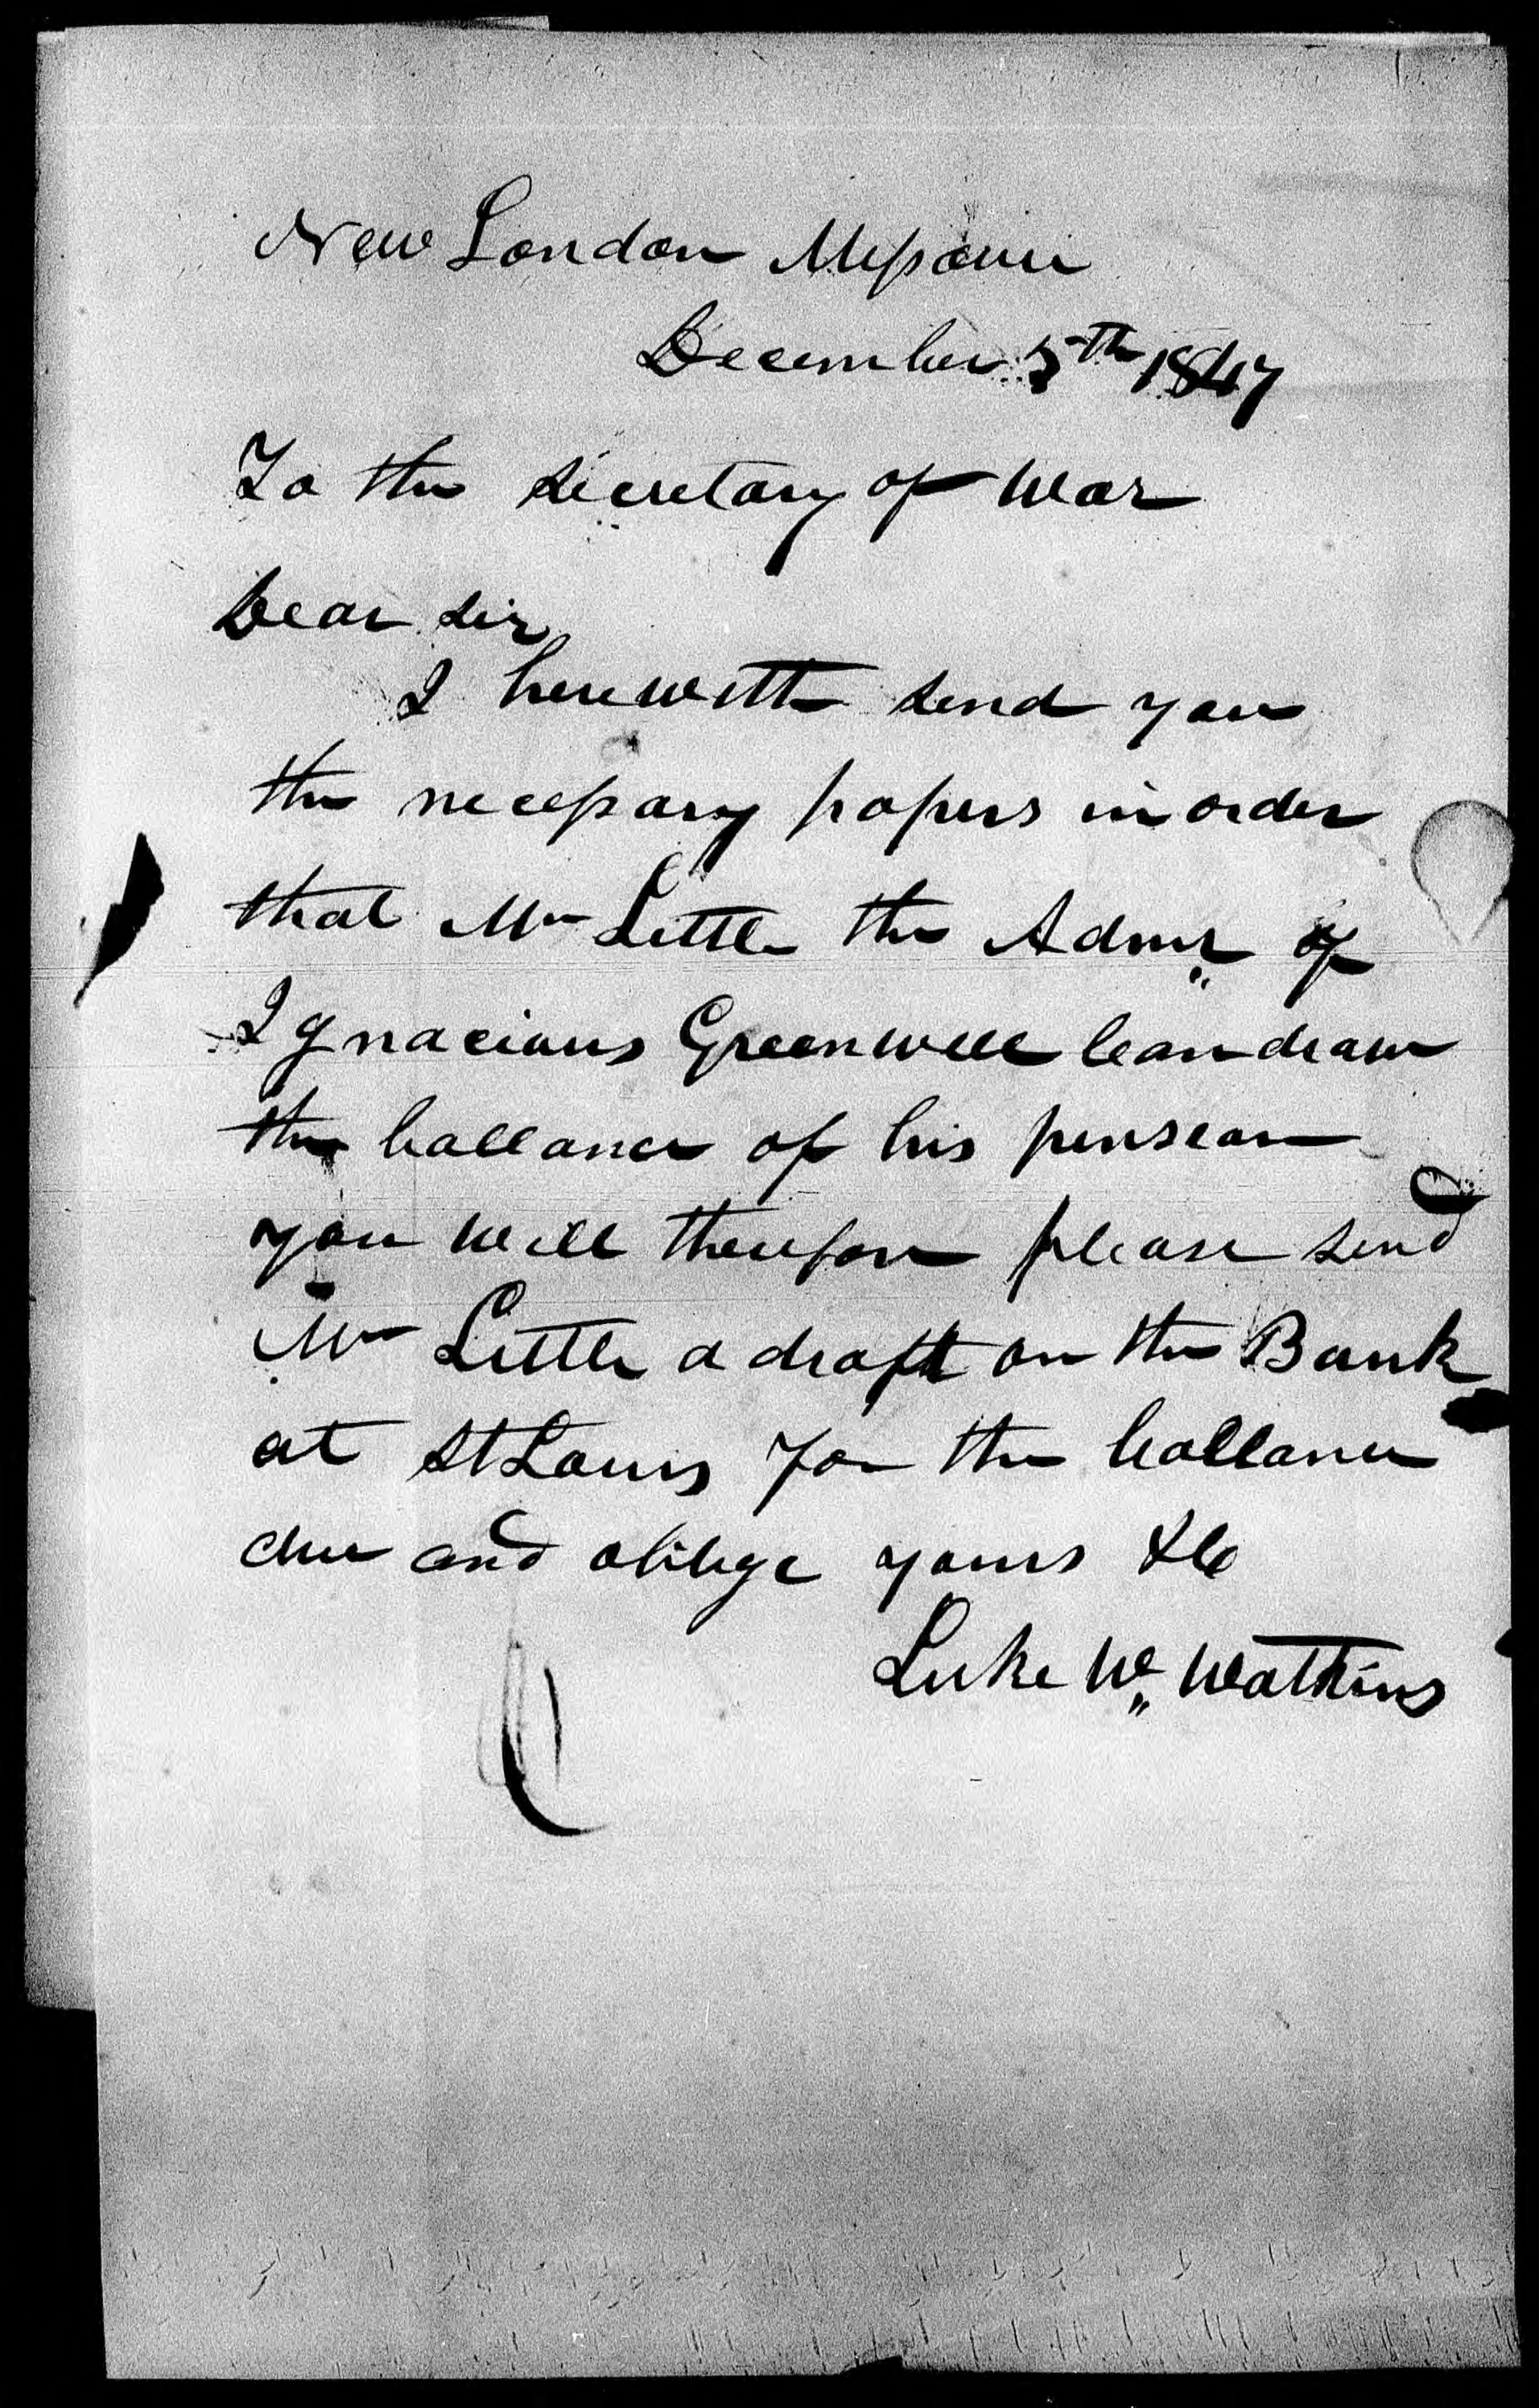New London Missouri
December 5th 1847

To the Secretary of War

Dear Sir

I herewith send you the necessary papers in order that Mr. Little the Admin of Ignacious Greenwell can draw the balance of his pension. You will therefore please send Mr. Little a draft on the bank at St Louis for the balance due and oblige yours truly

Luke W Watkins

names: Luke W Watkins, Ignacious Greenwell, Little, Little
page: 16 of 19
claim: survivor's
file: S. 16836, Ignatus Greenwell, Md.